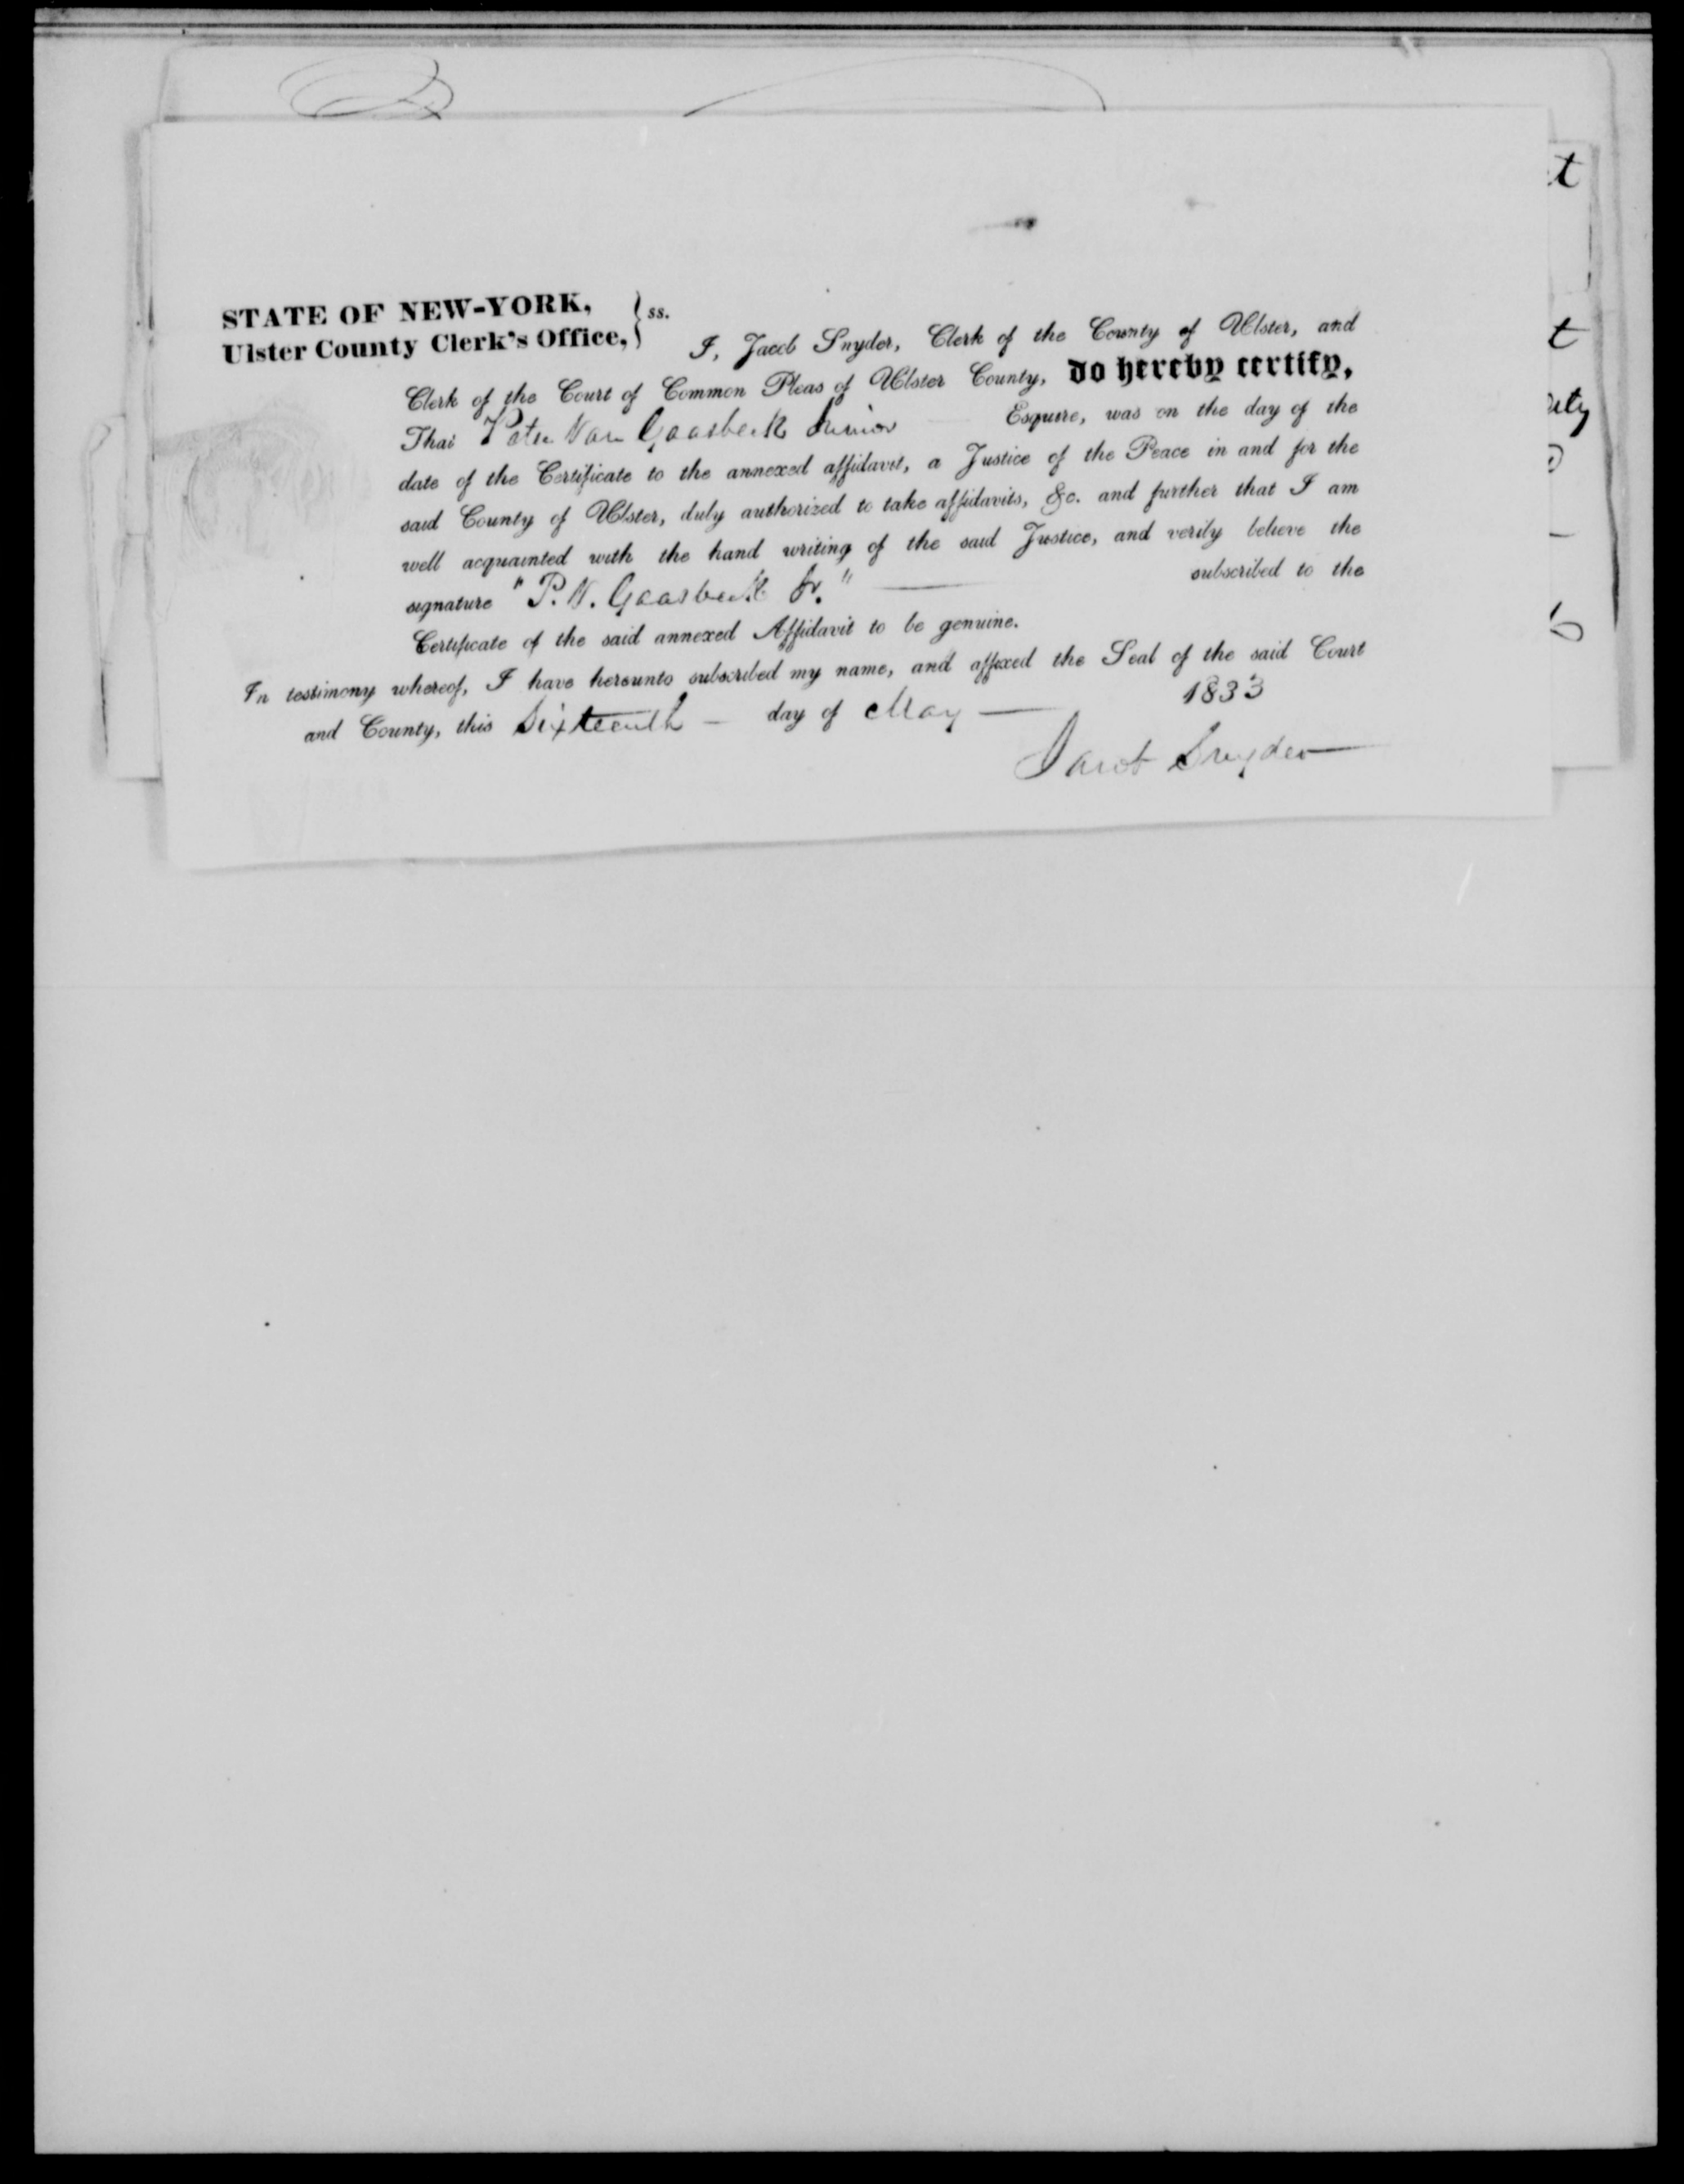STATE OF NEW-YORK,
Ulster County Clerk's Office,} Ss

I, Jacob Snyder, Clerk of the County of Ulster, and Clerk of the Court of Common Pleas of Ulster County, do hereby certify That Peter Van Gaasbeck Junior Esquire, was on the day of the
of the Certificate to the annexed affidavit, a Justice of the Peace in and for the County of Ulster duly authorized to take affidavits, &c. and further that I am well acquainted with the hand writing of the said Justice, and verily believe the signature "P.H. Gasbeck Jr." subscribed to the Certificate of the said
annexed Affidavit to be genuine.

In testimony whereof, I have hereunto subscribed my name, and affixed the Seal of the said Court and County, this Sixteenth day of May  1833
Jacob Snyder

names: Jacob Snyder; P V Gaasbeck; Jacob Snyder; Peter Van Gaasbeck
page: 8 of 29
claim: survivor's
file: S. 11415, for Aldert Smedes, New York